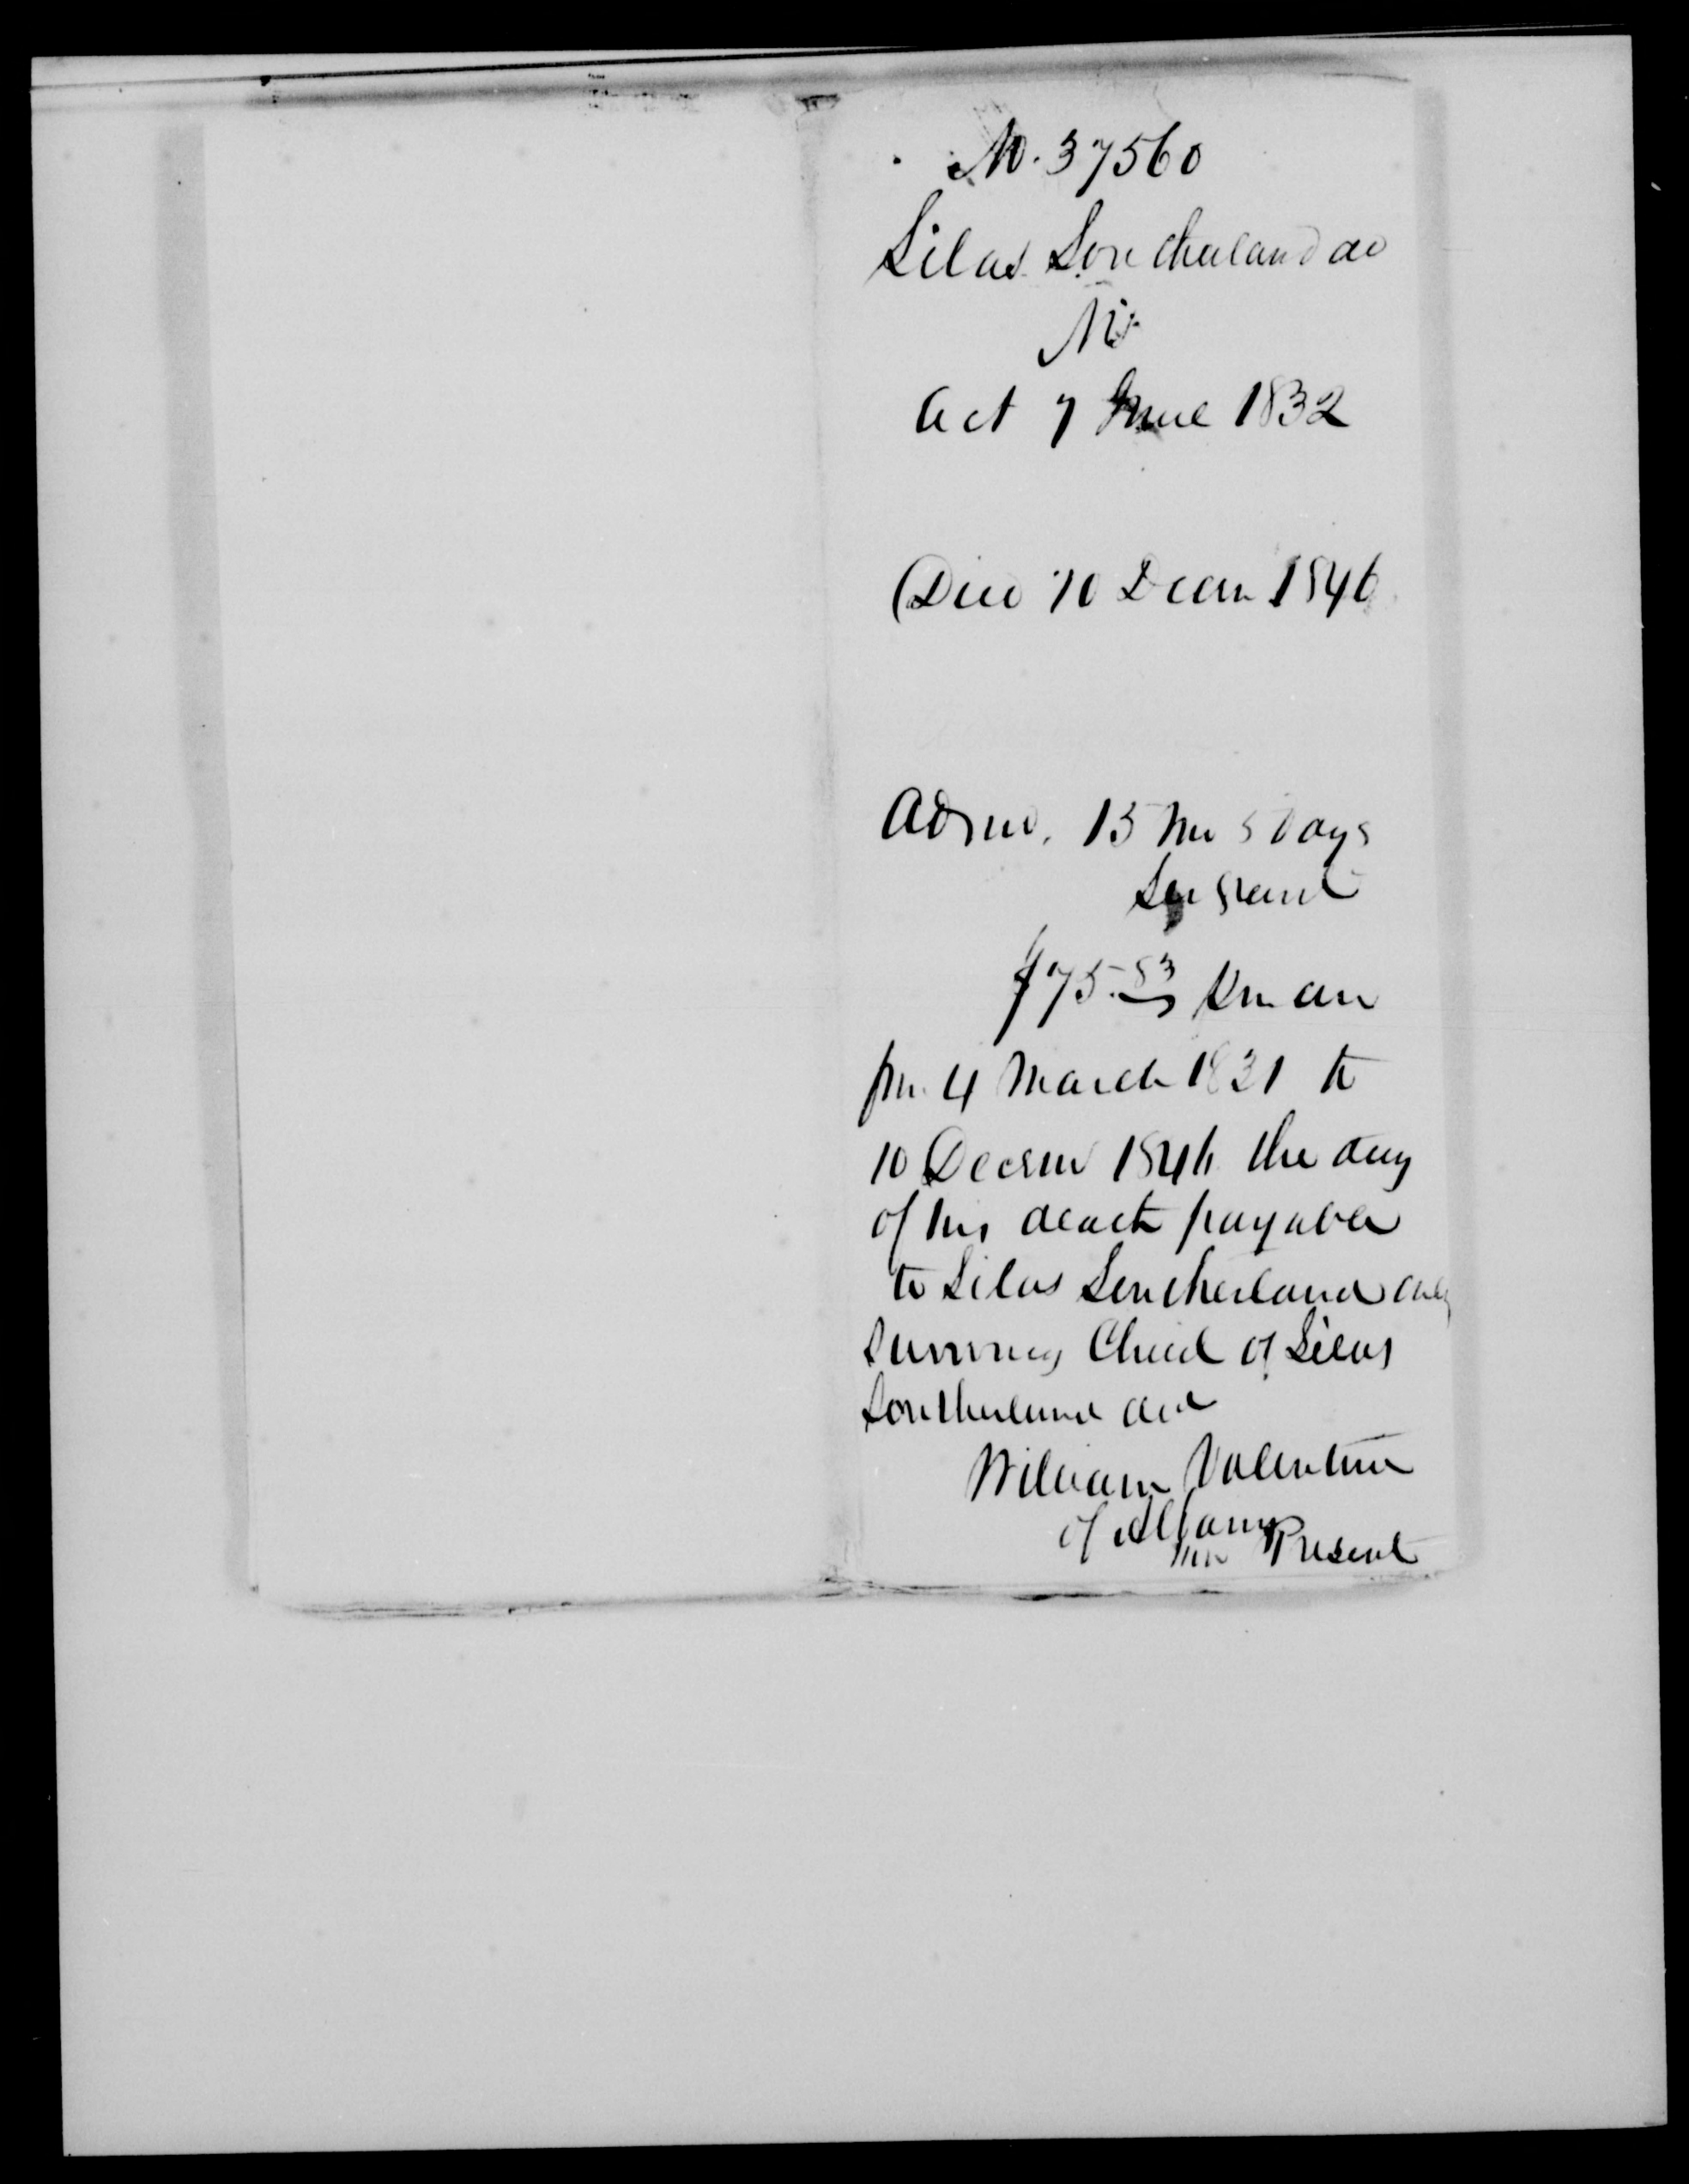No. 37560
Silas Southerland [?]
[?]
Act 7 June 1832
Died 10 Decem 1846
Adm. 15 mo 5 days
Sergeant

$75.83 per an fm 4 March 1831 to 10 Decem 1846 the day of his death payable to Silas Southerland only surviving child of Silas Southerland  Awd
 William Valentine of Albany Present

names: Silas Southerland; William Valentine; Silas Southerland; Silas Southerland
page: 3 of 77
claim: survivor's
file: S. 23003, for Silas Southerland, New York